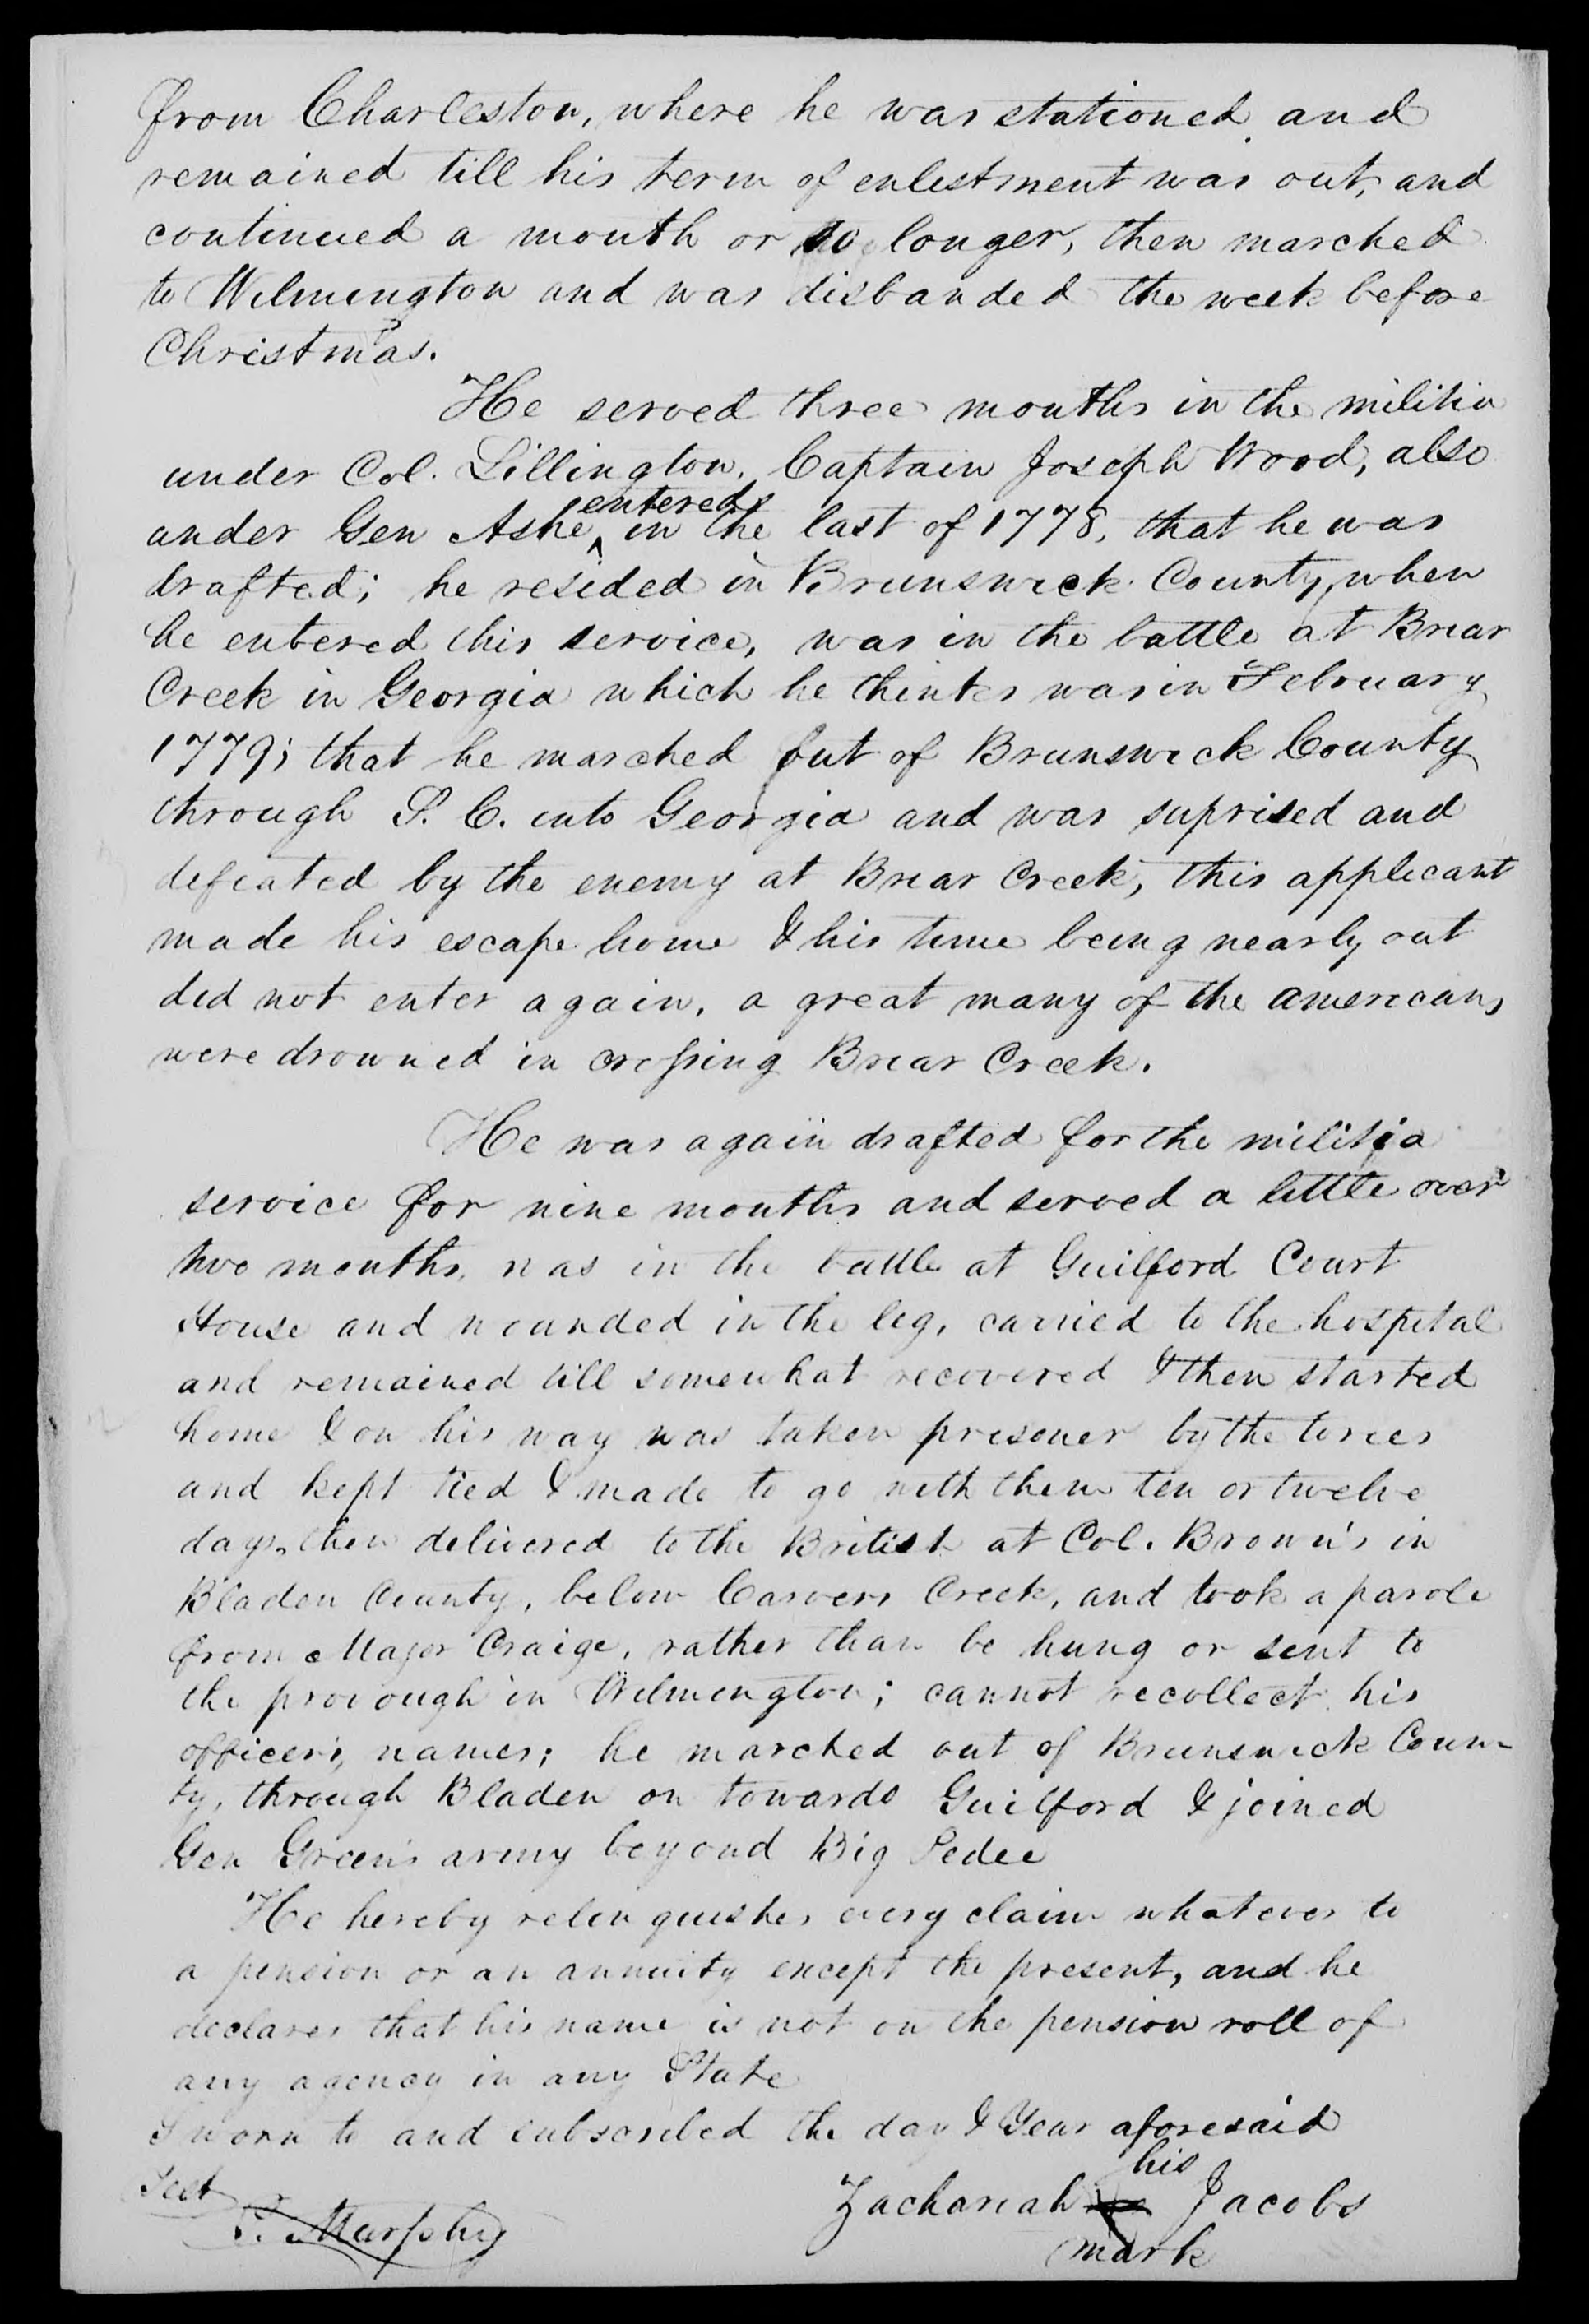from Charleston, where he was stationed and remained till his term of enlistment was out, and continued a month or so longer, then marched to Wilmington and was disbanded the week before Christmas.
              He served three months in the militia under Col. Lillington, Captain Joseph Wood, also under Gen Ashe [the word "entered" is inserted from above] entered in the last of 1778, that he was drafted; he resided in Brunswick County when he entered this service, was in the battle at Briar Creek in Georgia which he thinks was in February 1779; that he marched out of Brunswick County through S.C into Georgia suprised and defeated by the enemy at Briar Creek, this applicant made his escape home & his time being nearly out did not enter again, a great many of the americans were drowned in crossing Briar Creek.
        He was again drafted for the militia service for nine months and served a little over two months, was in the battle of Guilford Court House and wounded in the leg, carried to the hospital and remained till somewhat recovered & then started home & on his way was taken prisoner by the forces and kept tied & made to go with them ten or twelve days, then delivered to the British at Col. Brown"s in Bladen County, below Carvers Creek, and took a parole from Major Craige, rather than be hung or sent to the [illegible] in Wilmington;  cannot recollect his officer's names; he marched out of Brunswick County, through Balden on towards Guilford & joined Gen Green's army beyond Big Pedee
        He hereby relinquishes every claim whatever to a pension or an annuity except the present, and he declares that his name is not on the pension roll of any agency in any State
Sworn to and subscribed the day and year aforesaid                                his
            [Signature] Zachariah  X  Jacobs
                                              mark
Atest     [Signature] C. Marphy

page: 11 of 40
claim: widow's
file: W. 5304, for Zachariah Jacobs, North Carolina